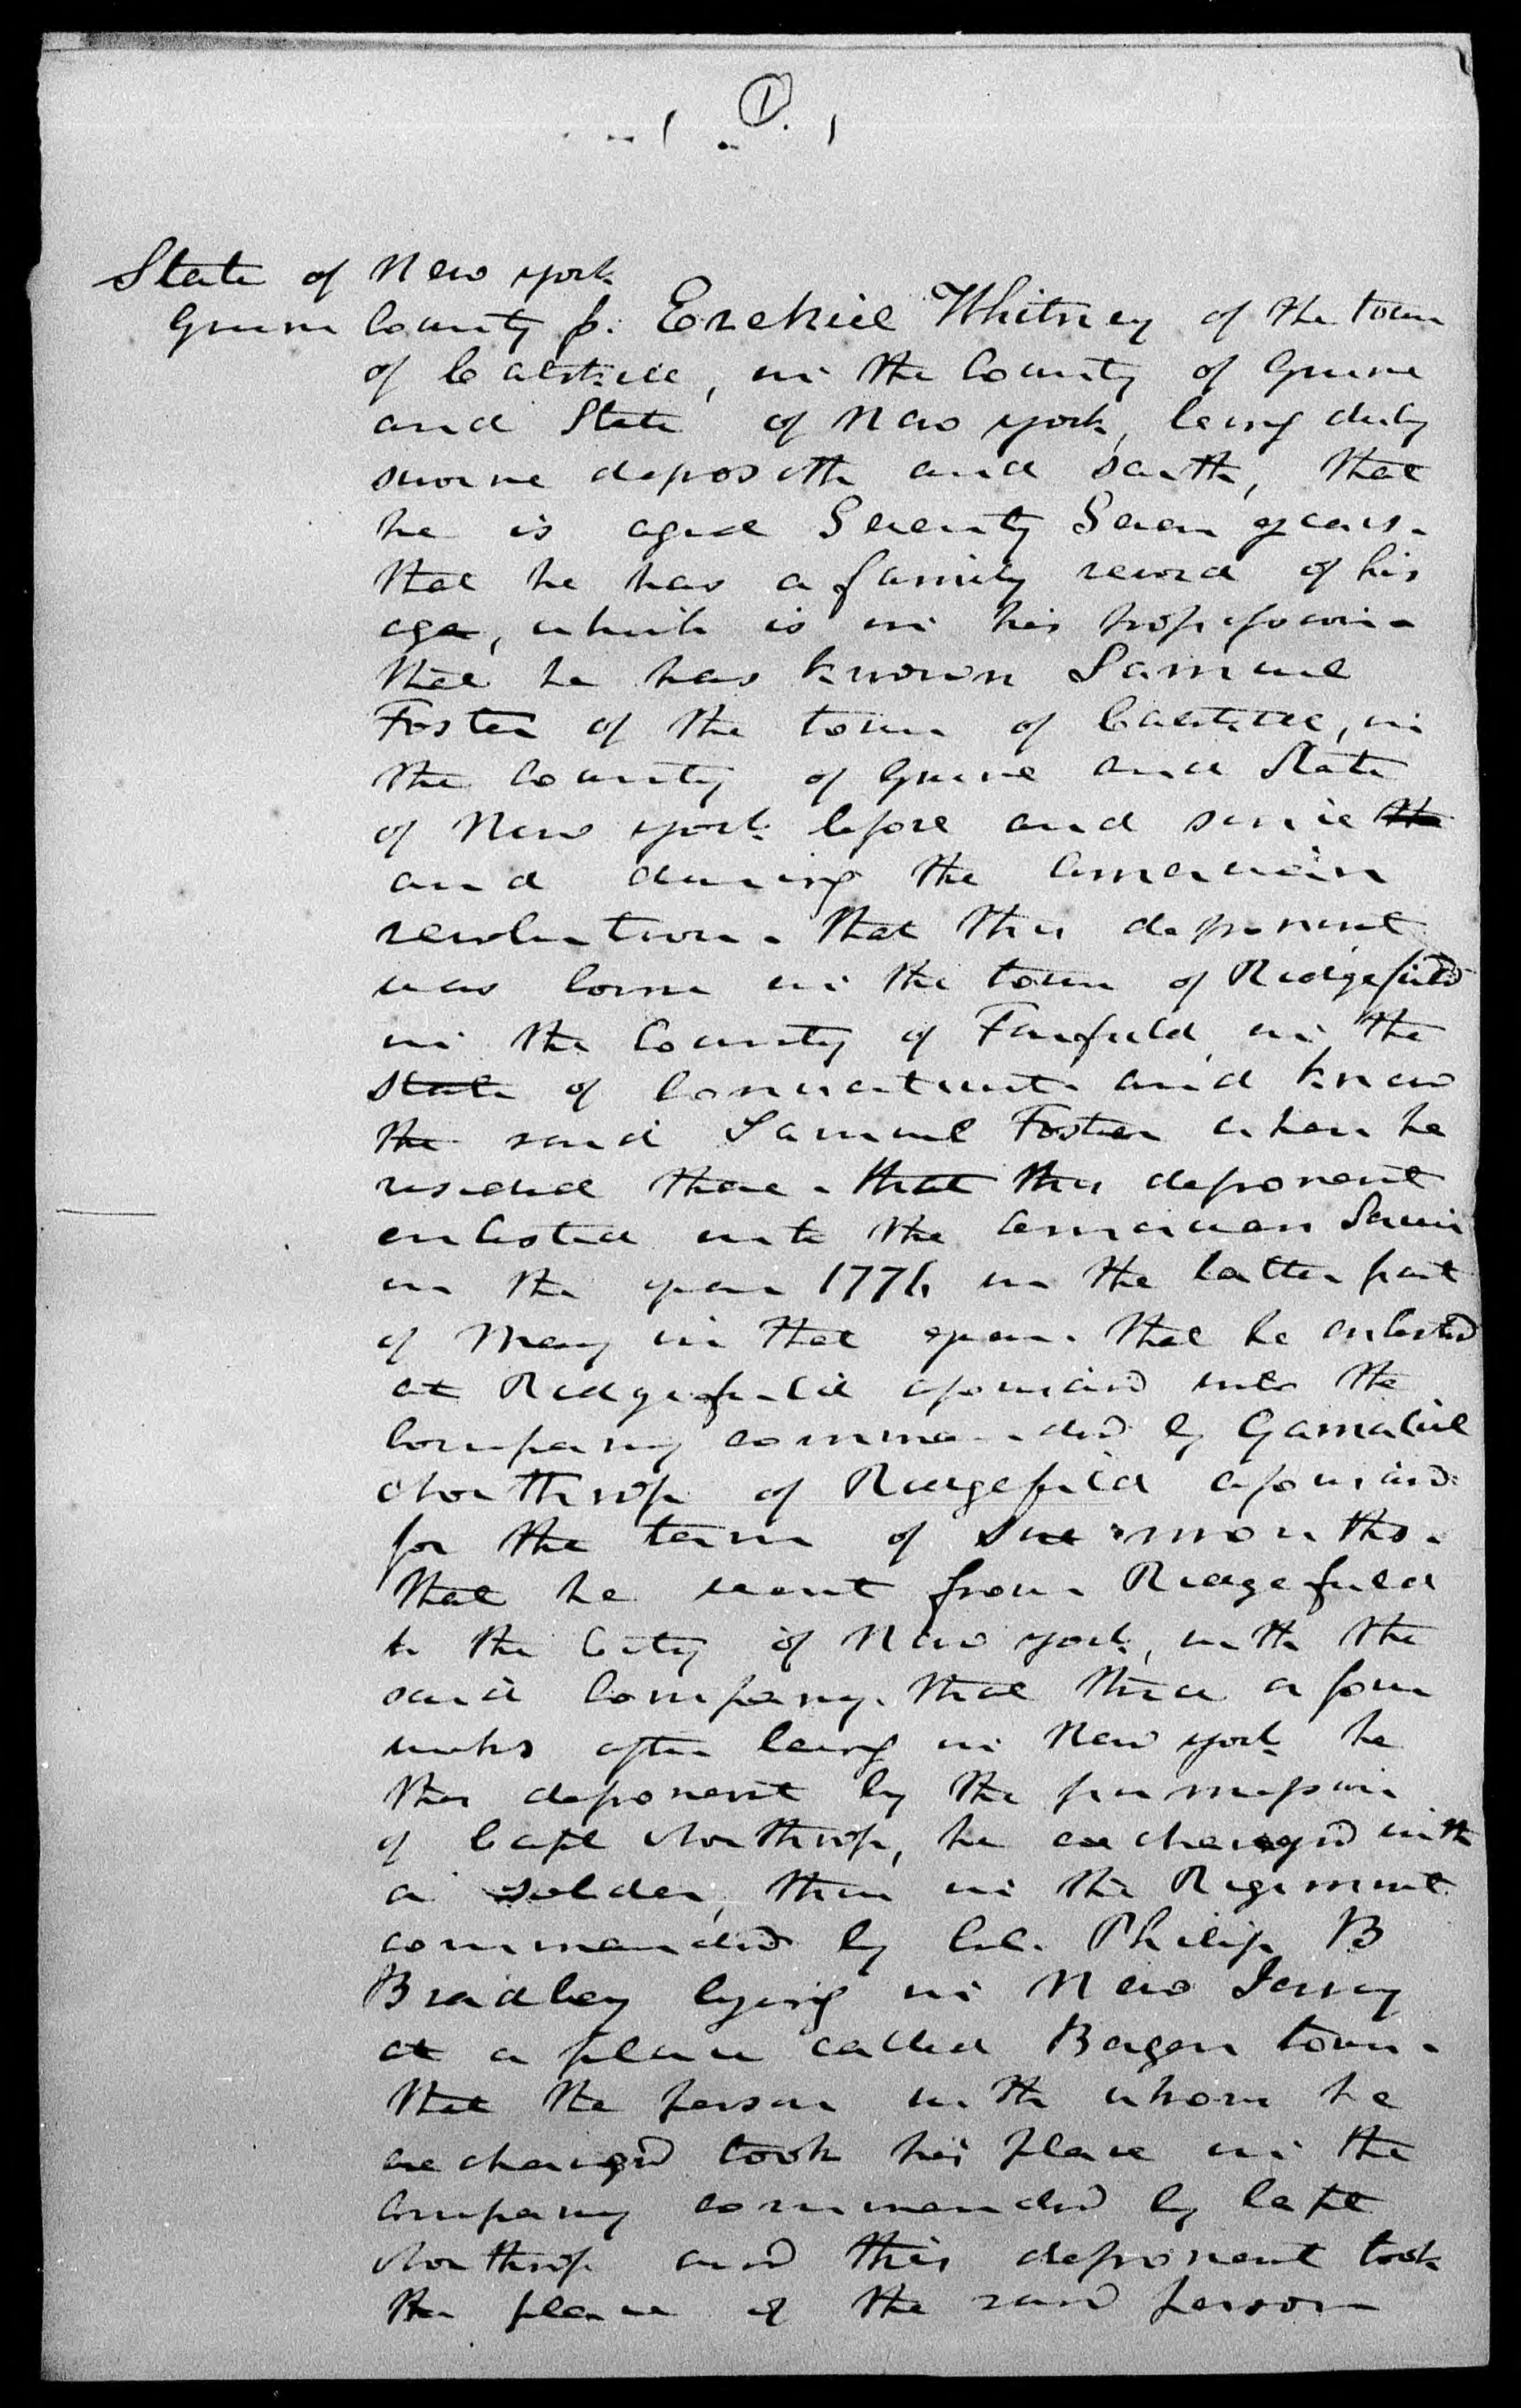1 [circled]
State of New York
Greene County ss. Ezekiel Whitney of the town of Catskill, in the County of Greene and State of New York, being duly sworne deposeth and [illegible], that he is aged Seventy Seven years. that he has a family record of his age, which is in his possession. that he has known Samuel Foster of the town of Catskill, in the County of Greene and State of New York before and since [word crossed out] and during the American revolution. that this deponent was borne in the town of Ridgefield in the County of Fairfield in the State of Connecticut and knew the said Samuel Foster [illegible] he resided there. that this deponent enlisted into the American Service in the year 1776 in the latter part of May in that year. that he enlisted at Ridgefield [illegible] into the Company commanded by Gamaliel Northrop of Ridgefield aforesaid for the term of six months. that he went from Ridgefield to the City of New York with the said Company, that [illegible] a four weeks after being in New York he then deponent by the permission of Capt Northrop, he [illegible] [illegible] with a soldier, then in the Regiment commanded by Col. Philip B Bradley lying in New Jersey at a place called Bergan town. that the person with whom he [illegible][illegible] took his place in the Company commanded by Capt Northrop and this deponent took the place of the said person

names: Samuel Foster, Ezekiel Whitney, Gamaliel Northrop, Northrop, Philip B Bradley, Samuel Foster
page: 32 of 54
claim: survivor's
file: S. 13,043, Samuel Foster, Conn.